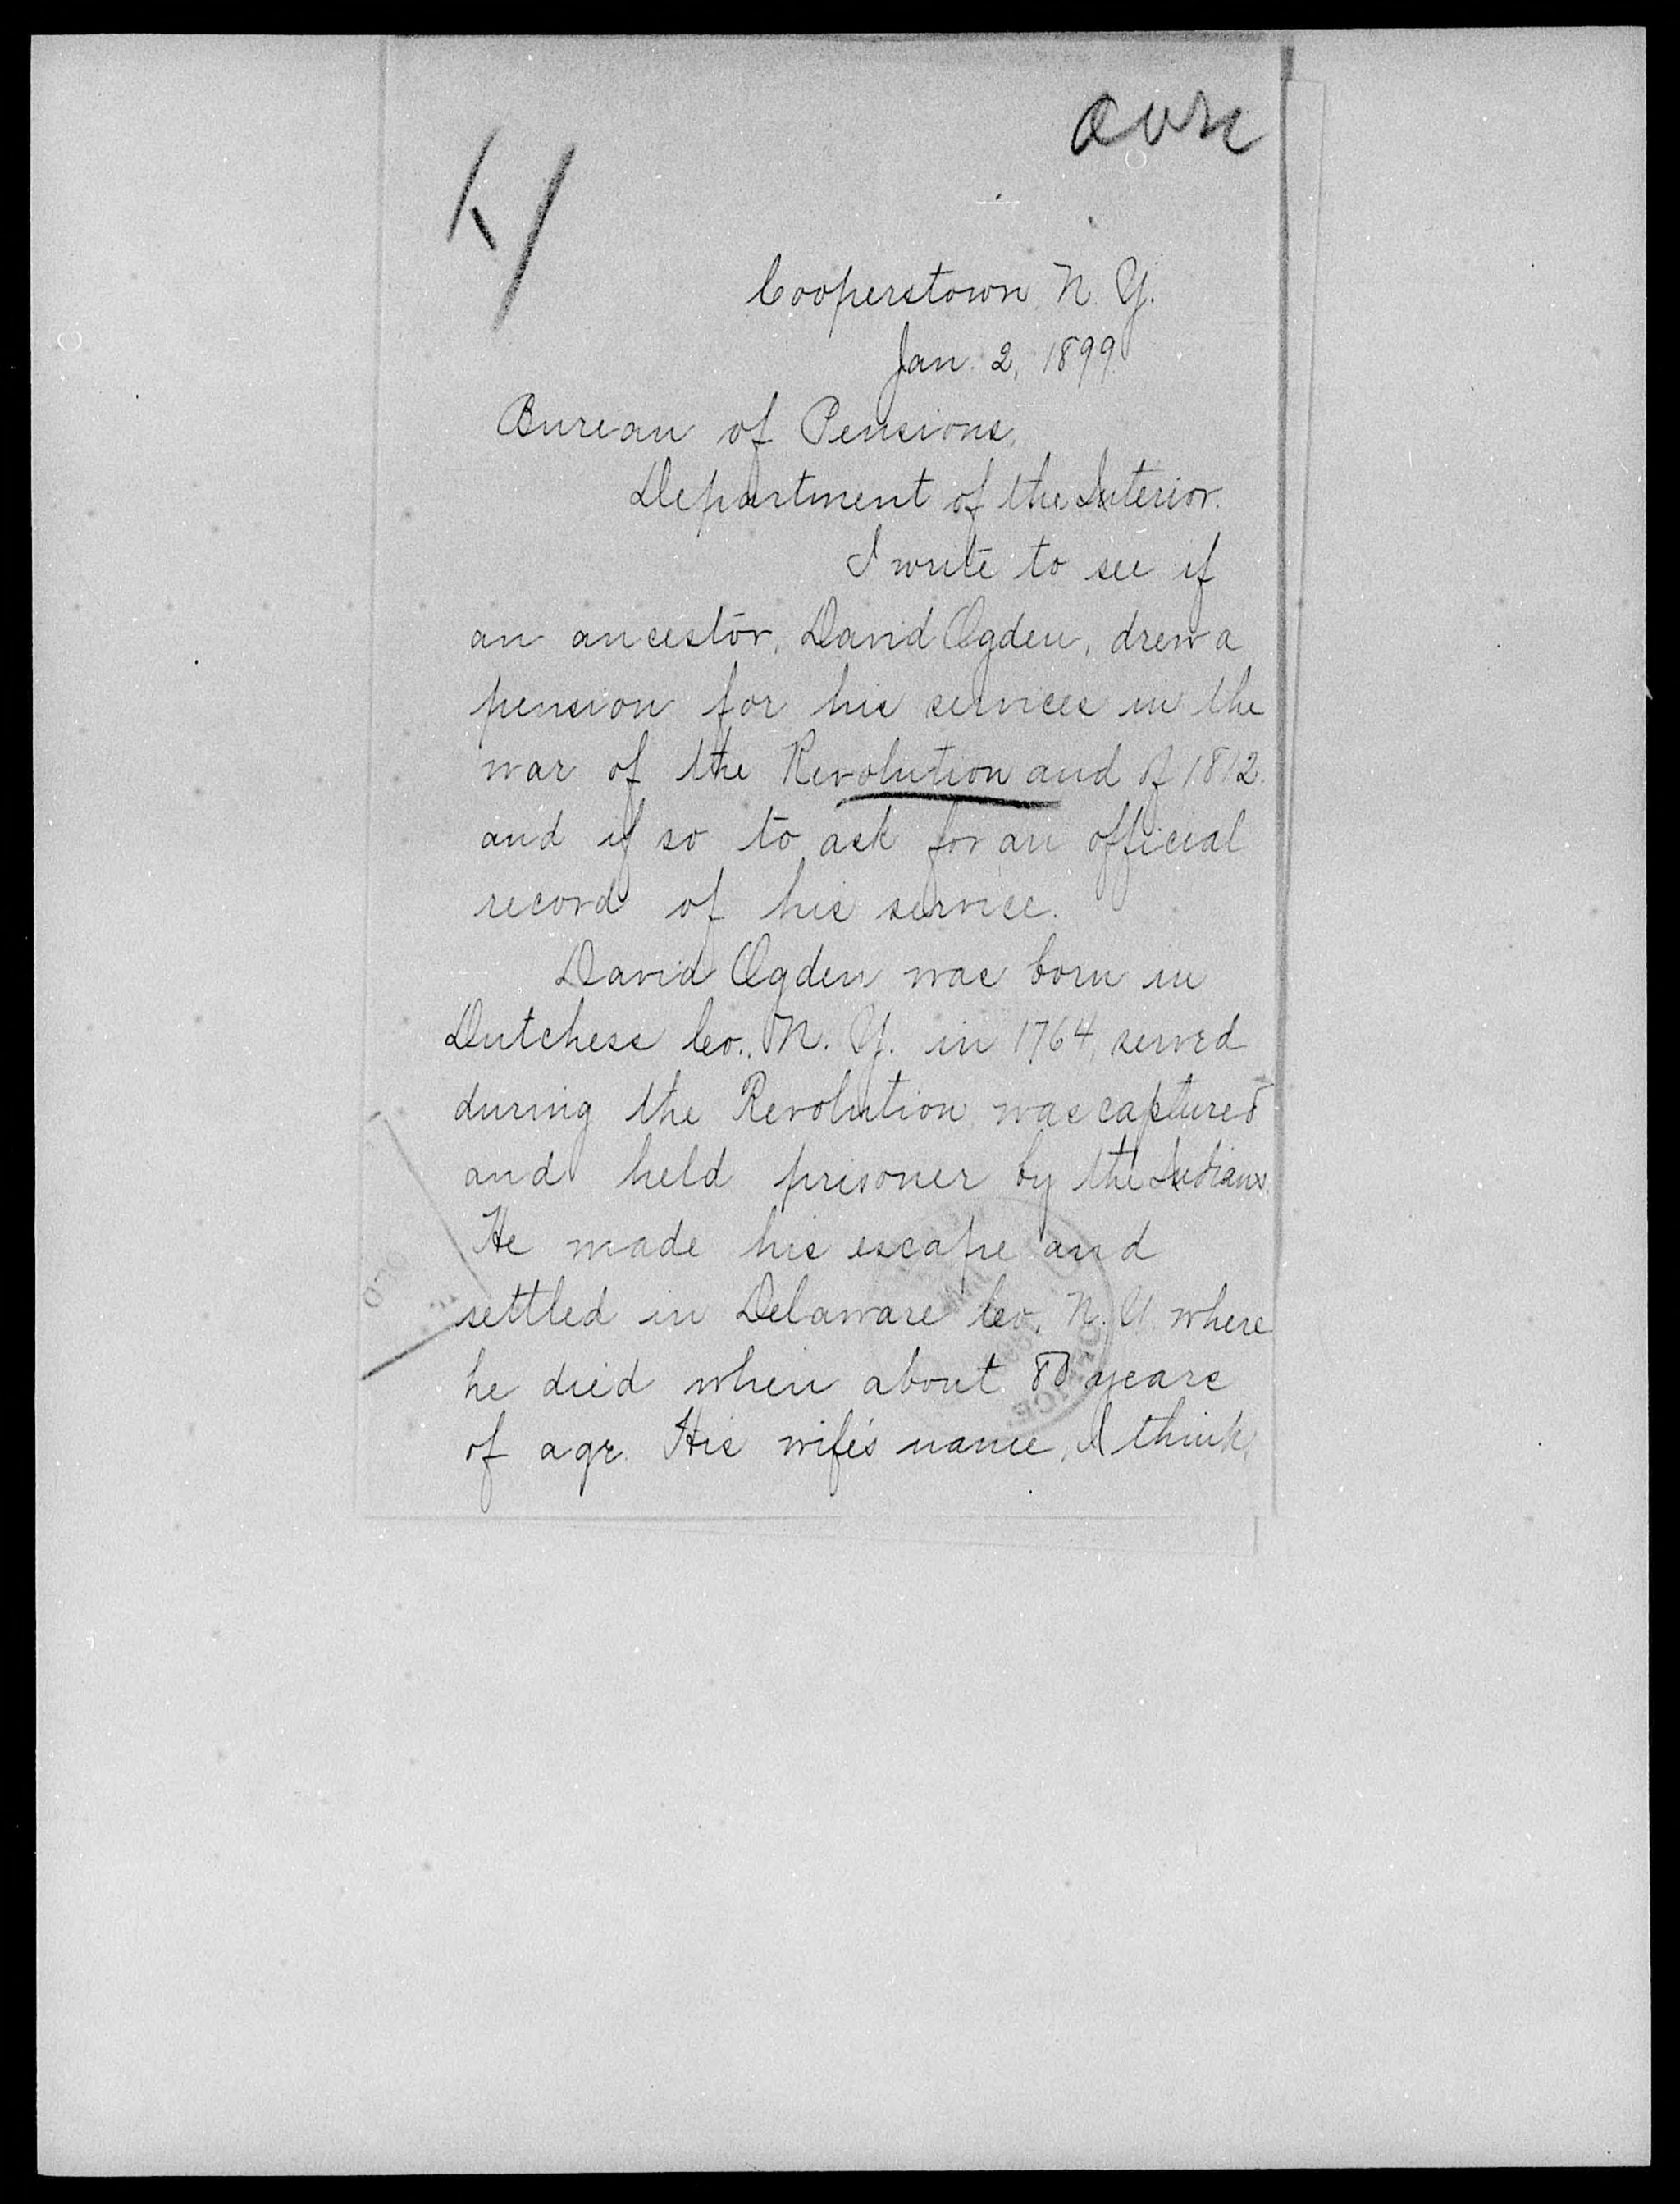[illegible initials]
[large, underlined letter T on the left]
Cooperstown N.Y.
Jan. 2, 1899.
Bureau of Pensions,
Department of the Interior

I write to see if
an ancestor, David Ogden, drew a
pension for his services in the
war of the [underlined] Revolution and of 1812.
and if so to ask for an official
record of his service.

David Ogden was born in
Dutchese Co. N. Y. in 1764, served
during the Revolution was captured
and held prisoner by the Indians
He made his escape and
settled in Delaware Co. N. Y. where
he died when about 80 years
of age.  His wife's name, I think,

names: David Ogden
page: 38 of 40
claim: widow's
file: W. 24364, for David Ogden, New York